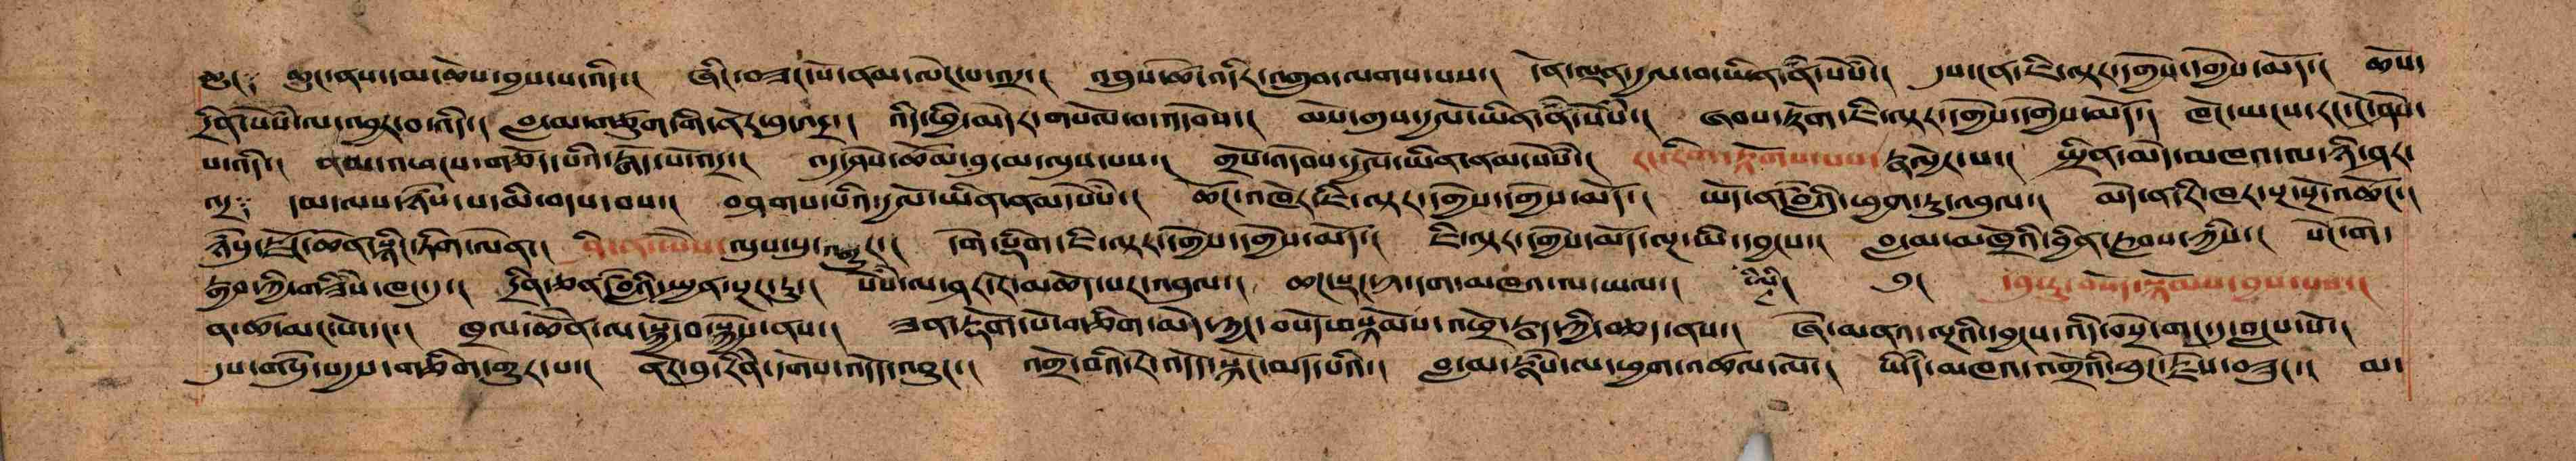ཆུང་།། ཆུང་ནས་དམ་ཆོས་བྱས་པ་འདི།། ཞིང་བཟང་སོ་ནམ་ལེགས་པ་འདྲ།། འབྲས་བུ་ཚེ་འདིར་འགྲུབ་ལགས་པས།། དོན་ལྡན་རྒྱལ་བ་ཡིན་ནམ་སེམས།། དུས་ངན་ཇི་ལྟར་དགྱེས་དགྱེས་མཛོད།། ཆོས་
དྲིན་སེམས་ལ་འབྱར་བ་འདི།། བླ་མ་གཙུག་གི་ནོར་བུ་འདྲ།། འདི་ཕྱི་མེད་པར་གསོལ་བ་འདེབས།། མོས་གུས་རྒྱལ་པོ་ཡིན་ནམ་སེམས།། ཞབས་ཏོག་ཇི་ལྟར་དགྱེས་དགྱེས་མཛོད།། ཁོང་ཡངས་རང་ངོ་ཤེས་
པ་འདི།། ནམ་འཕངས་གཅོད་པའི་རྒོད་པོ་འདྲ།། འདུ་ཤེས་ཚོམ་བུ་མ་ལུས་པས།། གྲོས་འདེབས་རྒྱལ་པོ་ཡིན་ནམ་སེམས།། རང་རིག་རྟོགས་པས་རྣལ་འབྱོར་པ།། སྤྲིན་མེད་མཁའ་ལ་ཉི་ཤར་
འདྲ།། དམ་ལས་ཉམས་པ་མི་བདས་པས།། བཤགས་པའི་རྒྱལ་པོ་ཡིན་ནམ་སེམས།། ཚོགས་འཁོར་ཇི་ལྟར་དགྱེས་དགྱེས་མཛོད།། ཡོད་ན་བླ་མའི་ཕྱག་ཏུ་འབུལ།། མེད་ན་རི་ཁར་སྔ་སྔོ་འཚོང་།། 
ཉམས་སུ་རྫོགས་ཆེན་སྙིང་ཏིག་ལེན།། ཤི་ན་ཡེ་ཤེས་ལུས་སུ་འགྱུར།། དགེ་སྡིག་ཇི་ལྟར་དགྱེས་དགྱེས་མཛོད།། ཇི་ལྟར་དགྱེས་མཛོད་ལྔ་ཡི་དབྱངས།། བླ་མ་མཁའ་འགྲོའི་བྱིན་རླབས་ཀྱིས།། སེང་གེ་
རྒྱབ་ཀྱི་གཟིམས་ཁང་དུ།། དྲིན་ཅན་བླ་མའི་སྤྱན་སྔ་རུ།། སེམས་ལ་ཤར་རོ་མཆོད་པར་འབུལ།། ཆགས་སྡང་ཀ་དག་མཁའ་ལ་ཡལ།། ཨིཊི།། ༄་། དབུ་རུ་བསོད་སྙོམས་བྱས་པས།། 
ན་ཚ་མང་པོ་དང་།། ཁྲལ་ཆེན་པོ་ལ་སྐྱོ་བ་སྐྱེས་ནས།། ཟན་རྡོག་པོ་གཅིག་ལས་མེད་ཀྱང་བསོད་སྙོམས་འཕྲོ་རྦད་ཀྱིས་བཅད་ནས།། ཞེ་མནའ་ལྔའི་དབྱངས་འདི་བསྲེ་གང་དུ་བླངས་སོ།། 
དུས་གསུམ་སངས་རྒྱས་གཅིག་གྱུར་པ།། ནོར་བུ་རིན་ཆེན་དགོས་འདོད་འབྱུང་།། འགྲོ་བའི་རེ་འདོད་སྐོང་མཛད་པའི།། བླ་མ་རྣམས་ལ་ཕྱག་འཚལ་ལོ།། ཡིད་དམ་མཁའ་འགྲོའི་ཐུགས་རྗེ་བཟུང་།། མ་